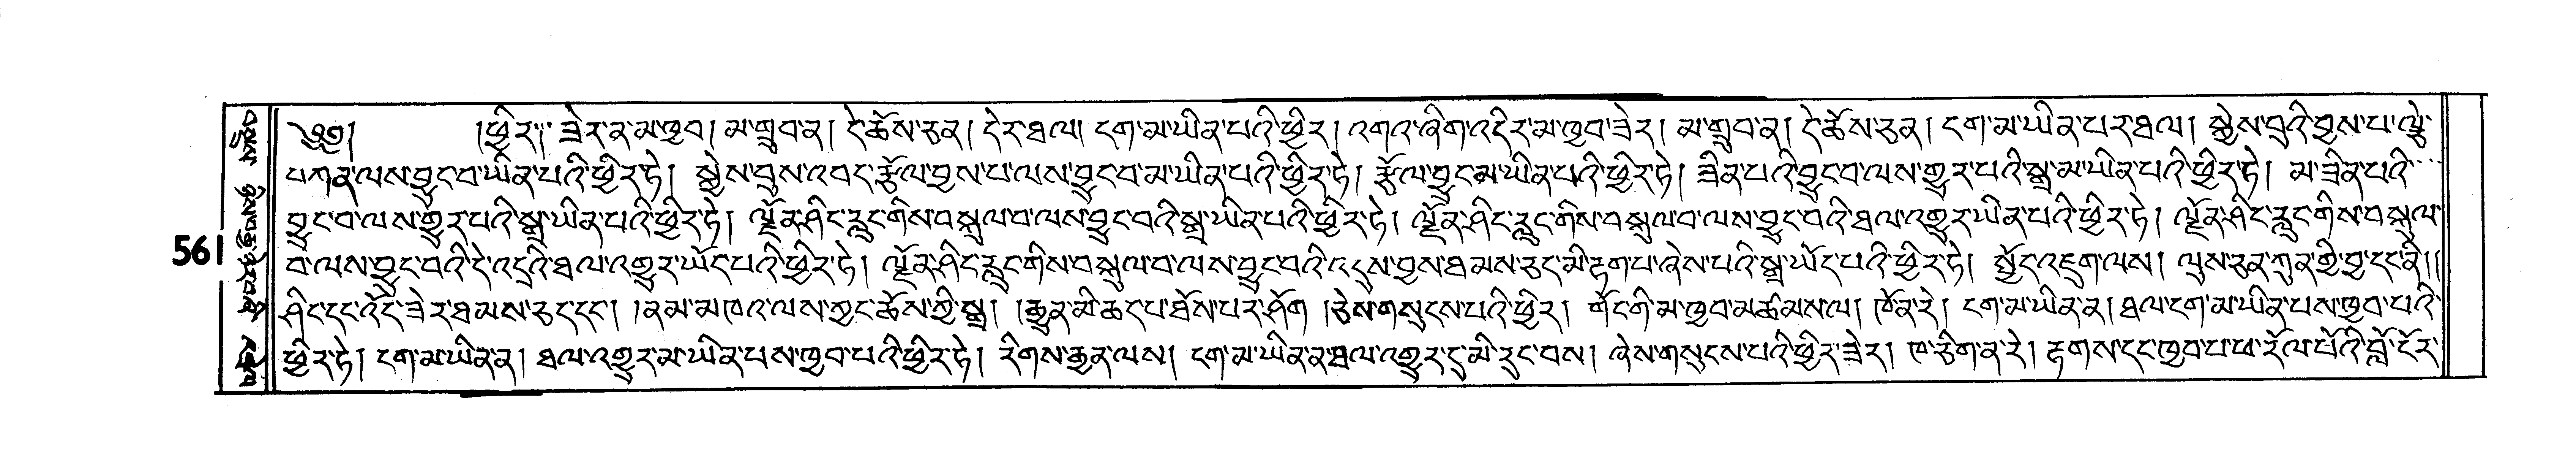༄༅། །ཕྱིར༑ ཟེར་ན་མ་ཁྱབ། མ་གྲུབ་ན། དེ་ཆོས་ཅན། དེར་ཐལ། དག་མ་ཡིན་པའི་ཕྱིར། འགའ་ཞིག་འདིར་མ་ཁྱབ་ཟེར། མ་གྲུབ་ན། དེ་ཆོས་ཅན། ངག་མ་ཡིན་པར་ཐལ། སྐྱེས་བུའི་བྱས་པ་ལྕེ་
བཀན་ལས་བྱུང་བ་ཡིན་པའི་ཕྱིར་ཏེ། སྐྱེས་བུས་འབད་རྩོལ་བྱས་པ་ལས་བྱུང་བ་མ་ཡིན་པའི་ཕྱིར་ཏེ། རྩོལ་བྱུང་མ་ཡིན་པའི་ཕྱིར་ཏེ། ཟིན་པའི་བྱུང་བ་ལས་གྱུར་པའི་སྒྲ་མ་ཡིན་པའི་ཕྱིར་ཏེ། མ་ཟིན་པའི་
བྱུང་བ་ལས་གྱུར་པའི་སྒྲ་ཡིན་པའི་ཕྱིར་ཏེ། ལྗོན་ཤིང་རླུང་གིས་བསྐུལ་བ་ལས་བྱུང་བའི་སྒྲ་ཡིན་པའི་ཕྱིར་ཏེ། ལྗོན་ཤིང་རླུང་གིས་བསྐུལ་བ་ལས་བྱུང་བའི་ཐལ་འགྱུར་ཡིན་པའི་ཕྱིར་ཏེ། ལྗོན་ཤིང་རླུང་གིས་བསྐུལ་
བ་ལས་བྱུང་བའི་དེ་འདྲའི་ཐལ་འགྱུར་ཡོད་པའི་ཕྱིར་ཏེ། ལྗོན་ཤིང་རླུང་གིས་བསྐུལ་བ་ལས་བྱུང་བའི་འདུས་བྱས་ཐམས་ཅད་མི་རྟག་པ་ཞེས་པའི་སྒྲ་ཡོད་པའི་ཕྱིར་ཏེ། སྤྱོད་འཇུག་ལས། ལུས་ཅན་ཀུན་གྱི་བྱ་དང་ནི།།
ཤིང་དང་འོད་ཟེར་ཐམས་ཅད་དང་། །ནམ་མཁའ་ལས་ཀྱང་ཆོས་ཀྱི་སྒྲ། །རྒྱུན་མི་ཆད་པ་ཐོས་པར་ཤོག །ཅེས་གསུངས་པའི་ཕྱིར། གོང་གི་མ་ཁྱབ་མཚམས་ལ། ཁོ་ན་རེ། ངག་མ་ཡིན་ན། ཐལ་ངག་མ་ཡིན་པས་ཁྱབ་པའི་
ཕྱིར་ཏེ། ངག་མ་ཡིན་ན། ཐལ་འགྱུར་མ་ཡིན་པས་ཁྱབ་པའི་ཕྱིར་ཏེ། རིགས་རྒྱན་ལས། ངག་མ་ཡིན་ན་ཐལ་འགྱུར་དུ་མི་རུང་བས། ཞེས་གསུངས་པའི་ཕྱིར་ཟེར། ཁ་ཅིག་ན་རེ། རྟགས་དང་ཁྱབ་པ་ཕ་རོལ་པོའི་བློ་ངོར་